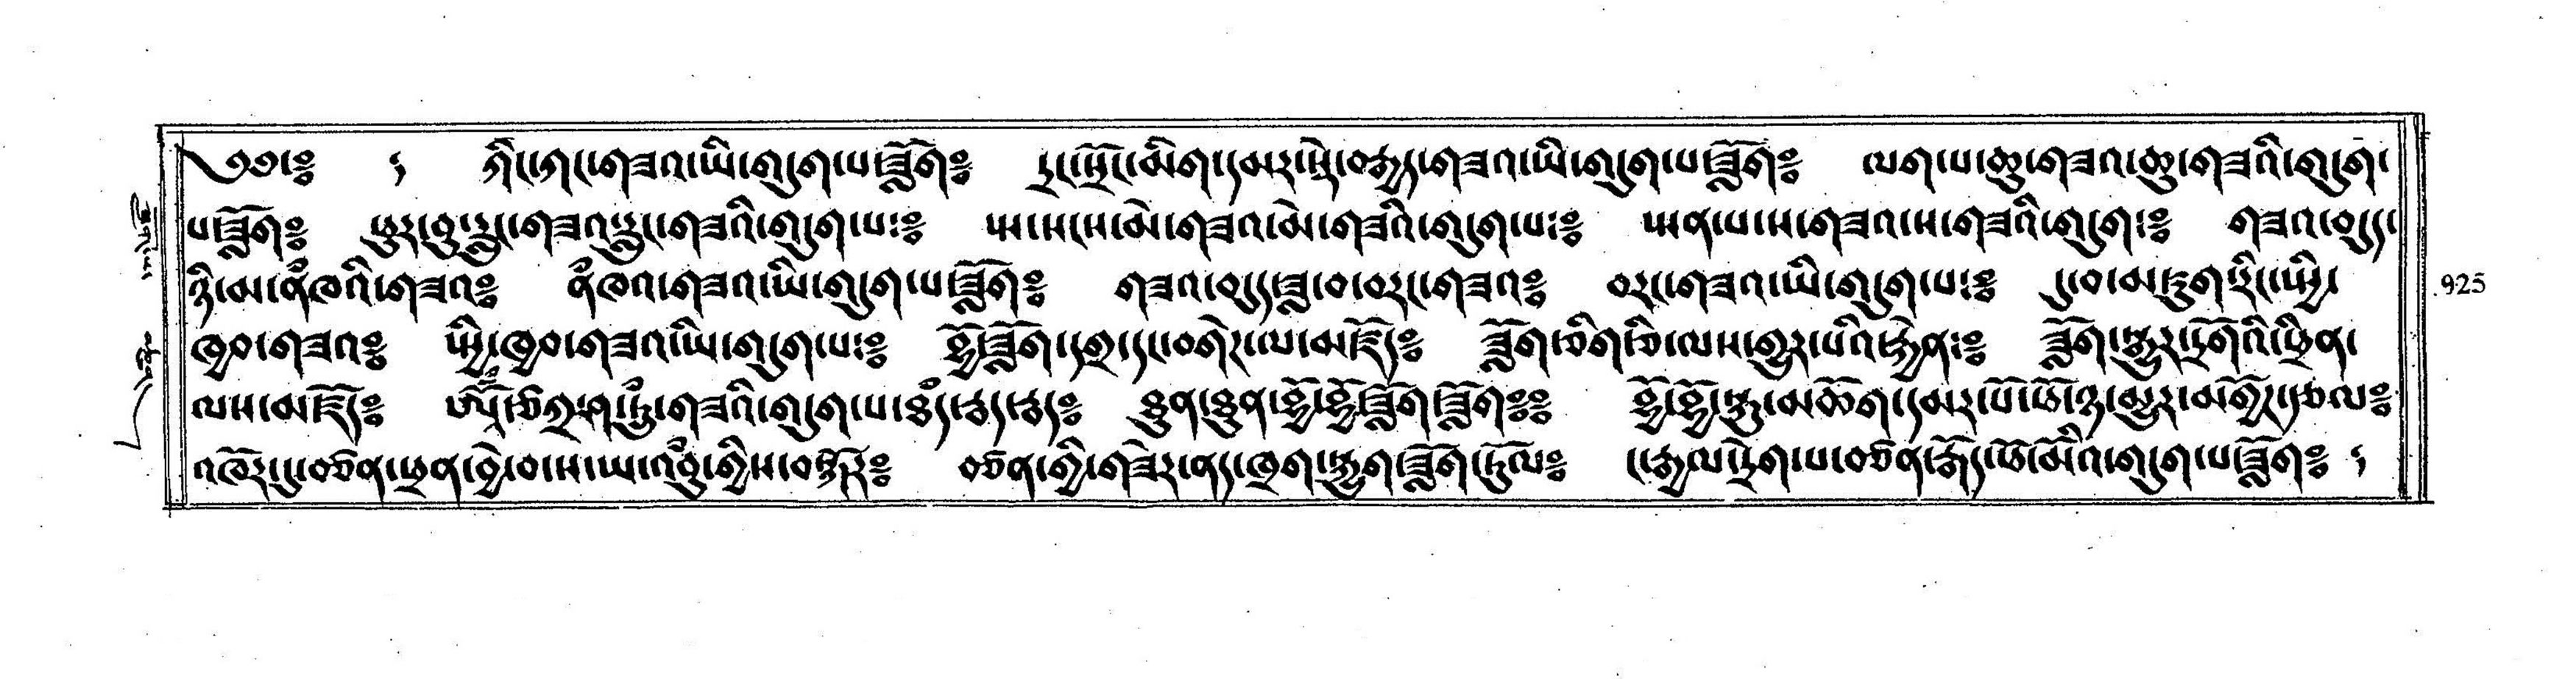ཀིང་ཀང་གཟའ་ཡི་གདུག་པ་ཟློག༔ དྲང་སྲོང་མིག་དམར་སྡེ་བརྒྱད་གཟའ་ཡི་གདུག་པ་ཟློག༔ ལག་པ་ཆུ་གཟའ་ཆུ་གཟའི་གདུག་
པ་ཟློག༔ ཕུར་བུ་རླུང་གཟའ་རླུང་གཟའི་གདུག་པ༴༔ སྤ་སངས་མེ་གཟའ་མེ་གཟའི་གདུག་པ༴༔ སྤེན་པ་ས་གཟའ་ས་གཟའི་གདུག༴༔ གཟའ་བདུད་
ཉི་མ་ནམ་མཁའི་གཟའ༔ ནམ་མཁའ་གཟའ་ཡི་གདུག་པ་ཟློག༔ གཟའ་བདུད་ཟླ་བ་བར་སྣང་གཟའ༔ བར་སྣང་གཟའ་ཡི་གདུག་པ༴༔ དུ་བ་མཇུག་རིང་སྤྱི་
ཁྱབ་གཟའ༔ སྤྱི་ཁྱབ་གཟའ་ཡི་གདུག་པ༴༔ བྷྱོ་ཟློག་དགྲ་དང་བགེགས་ལ་མཛོད༔ ཟློག་ཅིག་ཅི་ལས་གྱུར་པའི་རྐྱེན༴༔ ཟློག་སྒྱུར་དྲག་པོའི་ཕྲིན་
ལས་མཛོད༔ ཨཱོཾ་ཙཀྲ་ཤ་ཏྲུཾ་གཟའི་གདུག་པ་ཐམས་ཅད་རྦད་རྦད༔ ཐུན་ཐུན་བྷྱོ་བྷྱོ་ཟློག་ཟློག༔༔ བྷྱོ་བྷྱོ་སྐུ་མཆོག་དམར་པོ་ཕོ་ཉ་མྱུར་མགྱོགས་རྩལ༔ 
འཁོར་དུ་བཙན་ཕྲན་བྱེ་བ་ས་ཡ་འབུམ་གྱིས་བསྐོར༔ བཙན་གྱི་གཟེར་ནད་ཁྲག་སྐྱུག་ཟློག་ཏུ་གསོལ༔ ང་རྒྱལ་དྲེག་པ་བཙན་རྒོད་ཕོ་མོའི་གདུག་པ་ཟློག༔